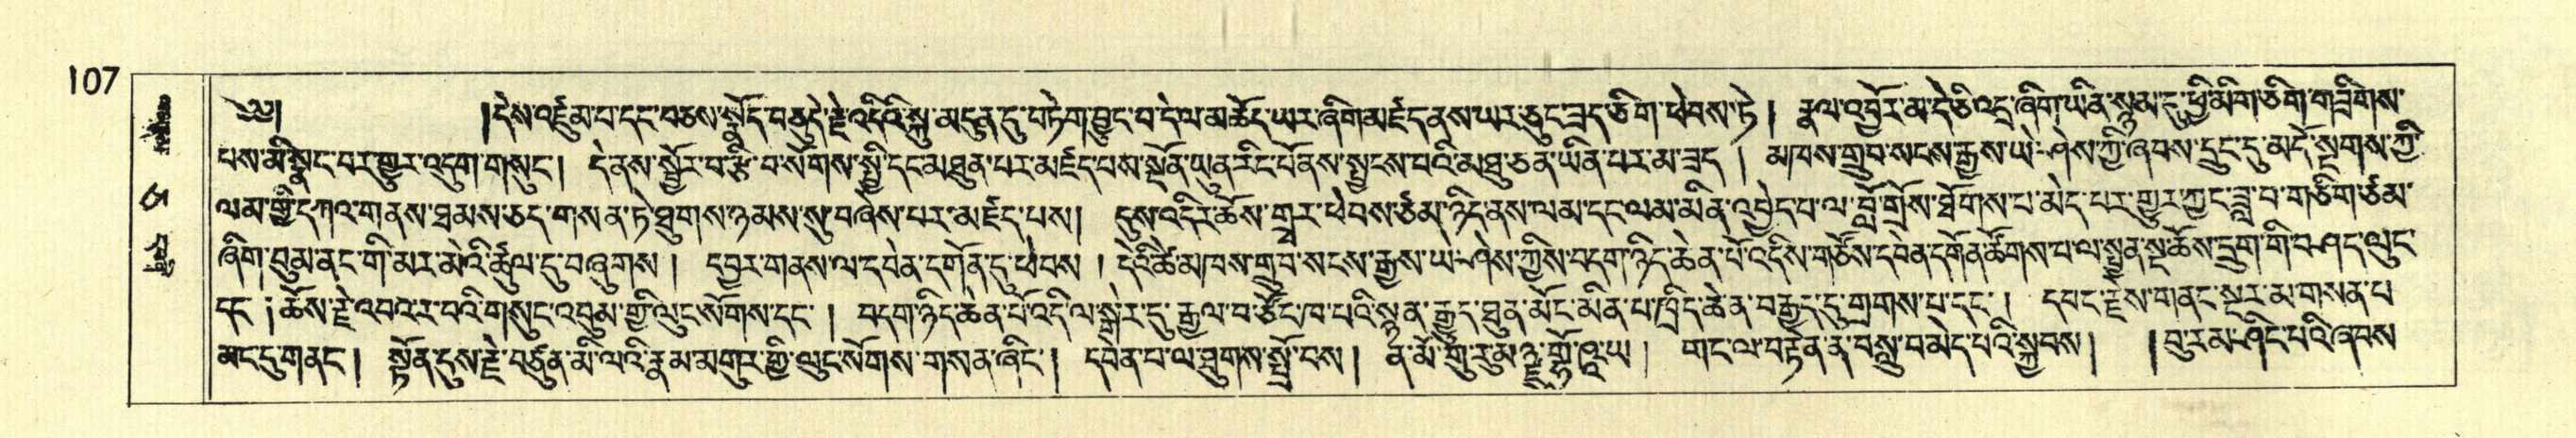༄༅། །དེས་འཛུམ་པ་དང་བཅས་སྣོད་བཅུ་དེ་རྗེ་འདིའི་སྐུ་མདུན་དུ་བཏེག་བྱུང་བ་དེ་ལ་མཆོད་ཡར་ཞིག་མཛད་ནས་ཡར་ཅུང་ཟད་ཅིག་ཕེབས་ཏེ། རྣལ་འབྱོར་མ་དེ་ཅི་འདྲ་ཞིག་ཡིན་སྙམ་དུ་ཕྱི་མིག་ཅིག་གཟིགས་
པས་མི་སྣང་བར་གྱུར་འདུག་གསུང་། དེ་ནས་སྦྱོར་བ་རྩི་བ་སོགས་སྤྱི་དང་མཐུན་པར་མཛད་པས་སྔོན་ཡུན་རིང་པོ་ནས་སྦྱངས་པའི་མཐུ་ཅན་ཡིན་པར་མ་ཟད། མཁས་གྲུབ་སངས་རྒྱས་ཡེ་ཤེས་ཀྱི་ཞབས་དྲུང་དུ་མདོ་སྔགས་ཀྱི་
ལམ་གྱི་དཀའ་གནས་ཐམས་ཅད་གསན་ཏེ་ཐུགས་ཉམས་སུ་བཞེས་པར་མཛད་པས། དུས་འདིར་ཆོས་གྲྭར་ཕེབས་ཙམ་ཉིད་ནས་ལམ་དང་ལམ་མིན་འབྱེད་པ་ལ་བློ་གྲོས་ཐོགས་པ་མེད་པར་གྱུར་ཀྱང་ཟླ་བ་གཅིག་ཙམ་
ཞིག་བུམ་ནང་གི་མར་མེའི་ཚུལ་དུ་བཞུགས། དབྱར་གནས་ལ་དབེན་དགོན་དུ་ཕེབས། དེའི་ཚེ་མཁས་གྲུབ་སངས་རྒྱས་ཡེ་ཤེས་ཀྱིས་བདག་ཉིད་ཆེན་པོ་འདིས་གཙོས་དབེན་དགོན་ཚོགས་པ་ལ་སྤྱན་སྔ་ཆོས་དྲུག་གི་བཤད་ལུང་
དང༑ ཆོས་རྗེ་འབའ་ར་བའི་གསུང་འབུམ་གྱི་ལུང་སོགས་དང་། བདག་ཉིད་ཆེན་པོ་འདི་ལ་སྒེར་དུ་རྒྱལ་བ་ཙོང་ཁ་པའི་སྙན་རྒྱུད་ཐུན་མོང་མིན་པ་ཁྲིད་ཆེན་བརྒྱད་དུ་གྲགས་པ་དང་། དཔང་རྗེས་གནང་སྔར་མ་གསན་པ་
མང་དུ་གནང་། སྟོན་དུས་རྗེ་བཙུན་མི་ལའི་རྣམ་མགུར་གྱི་ལུང་སོགས་གསན་ཞིང་། དབེན་པ་ལ་ཐུགས་སྤྲོ་བས། ན་མོ་གུ་རུ་མཉྫུ་གྷོ་ཥཱ་ཡ། གང་ལ་བརྟེན་ན་བསླུ་བ་མེད་པའི་སྐྱབས། །བུ་རམ་ཤིང་པའི་ཞབས་